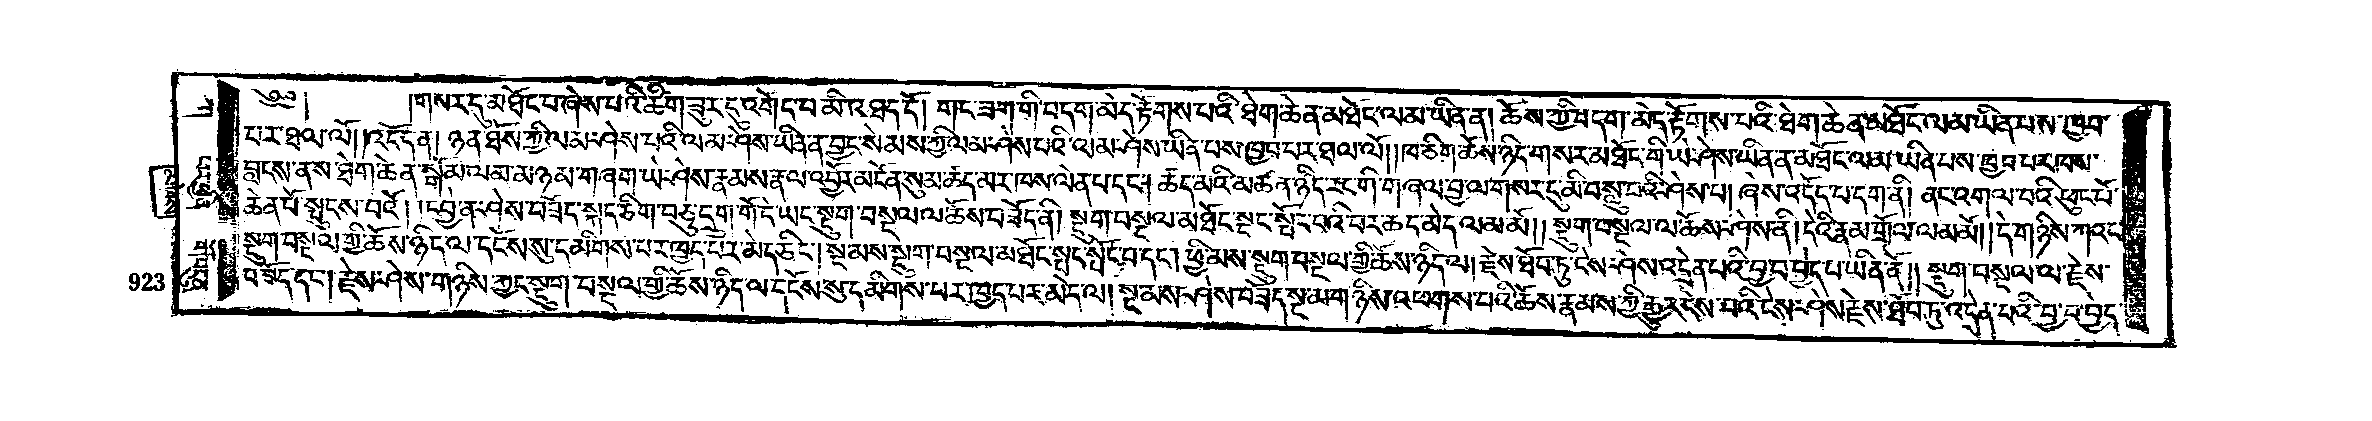༄༅། །གསར་དུ་མཐོང་པ་ཞེས་པའི་ཚིག་ཟུར་དུ་འགོད་པ་མི་འཐད་དོ། གང་ཟག་གི་བདག་མེད་རྟོགས་པའི་ཐེག་ཆེན་མཐོང་ལམ་ཡིན་ན། ཆོས་ཀྱི་བདག་མེད་རྟོགས་པའི་ཐེག་ཆེན་མཐོང་ལམ་ཡིན་པས་ཁྱབ་
པར་ཐལ་ལོ། །འདོད་ན། ཉན་ཐོས་ཀྱི་ལམ་ཤེས་པའི་ལམ་ཤེས་ཡིན་ན་བྱང་སེམས་ཀྱི་ལམ་ཤེས་པའི་ལམ་ཤེས་ཡིན་པས་ཁྱབ་པར་ཐལ་ལོ། །ཁ་ཅིག་ཆོས་ཉིད་གསར་མཐོང་གི་ཡེ་ཤེས་ཡིན་ན་མཐོང་ལམ་ཡིན་པས་ཁྱབ་པར་ཁས་
བླངས་ནས་ཐེག་ཆེན་སྒོམ་ལམ་མཉམ་གཞག་ཡེ་ཤེས་རྣམས་རྣལ་འབྱོར་མངོན་སུམ་ཚད་མར་ཁས་ལེན་པ་དང་། ཚད་མའི་མཚན་ཉིད་རང་གི་གཞལ་བྱ་ལ་གསར་དུ་མི་བསླུ་པའི་ཤེས་པ། ཞེས་འདོད་པ་དག་ནི། ནང་འགལ་བའི་ཕུང་པོ་
ཆེན་པོ་སྤུངས་པའོ། །དབྱེ་ན་ཤེས་བཟོད་སྐད་ཅིག་བཅུ་དྲུག་གོ་དེ་ཡང་སྡུག་བསྔལ་ལ་ཆོས་བཟོད་ནི། སྡུག་བསྔལ་མཐོང་སྤང་པའི་བར་ཆད་མེད་ལམ་མོ། །སྡུག་བསྔལ་ལ་ཆོས་ཤེས་ནི། དེའི་རྣལ་གྲོལ་ལམ་མོ། །དེ་གཉིས་ཀའང་
སྡུག་བསྔལ་གྱི་ཆོས་ཉིད་ལ་དངོས་སུ་དམིགས་པར་ཁྱད་པར་མེད་ཅིང་། སྔ་མས་སྡུག་བསྔལ་མཐོང་སྤང་སྤོང་བ་དང་། ཕྱི་མས་སྡུག་བསྔལ་གྱི་ཆོས་ཉིད་ལ། རྗེས་ཐོབ་ཏུ་ངེས་ཤེས་འདྲེན་པའི་བྱ་བ་བྱེད་པ་ཡིན་ནོ། །སྡུག་བསྔལ་ལ་རྗེས་
བཟོད་དང་། རྗེས་ཤེས་གཉིས་ཀྱང་སྡུག་བསྔལ་གྱི་ཆོས་ཉིད་ལ་དངོས་སུ་དམིགས་པར་ཁྱད་པར་མེད་ལ། སྔ་མས་ཤེས་བཟོད་སྔ་མ་གཉིས་ལ་འཕགས་པའི་ཆོས་རྣམས་ཀྱི་རྒྱུར་ངེས་པའི་ངེས་ཤེས་རྗེས་ཐོབ་ཏུ་འདྲེན་པའི་བྱ་བ་བྱེད་